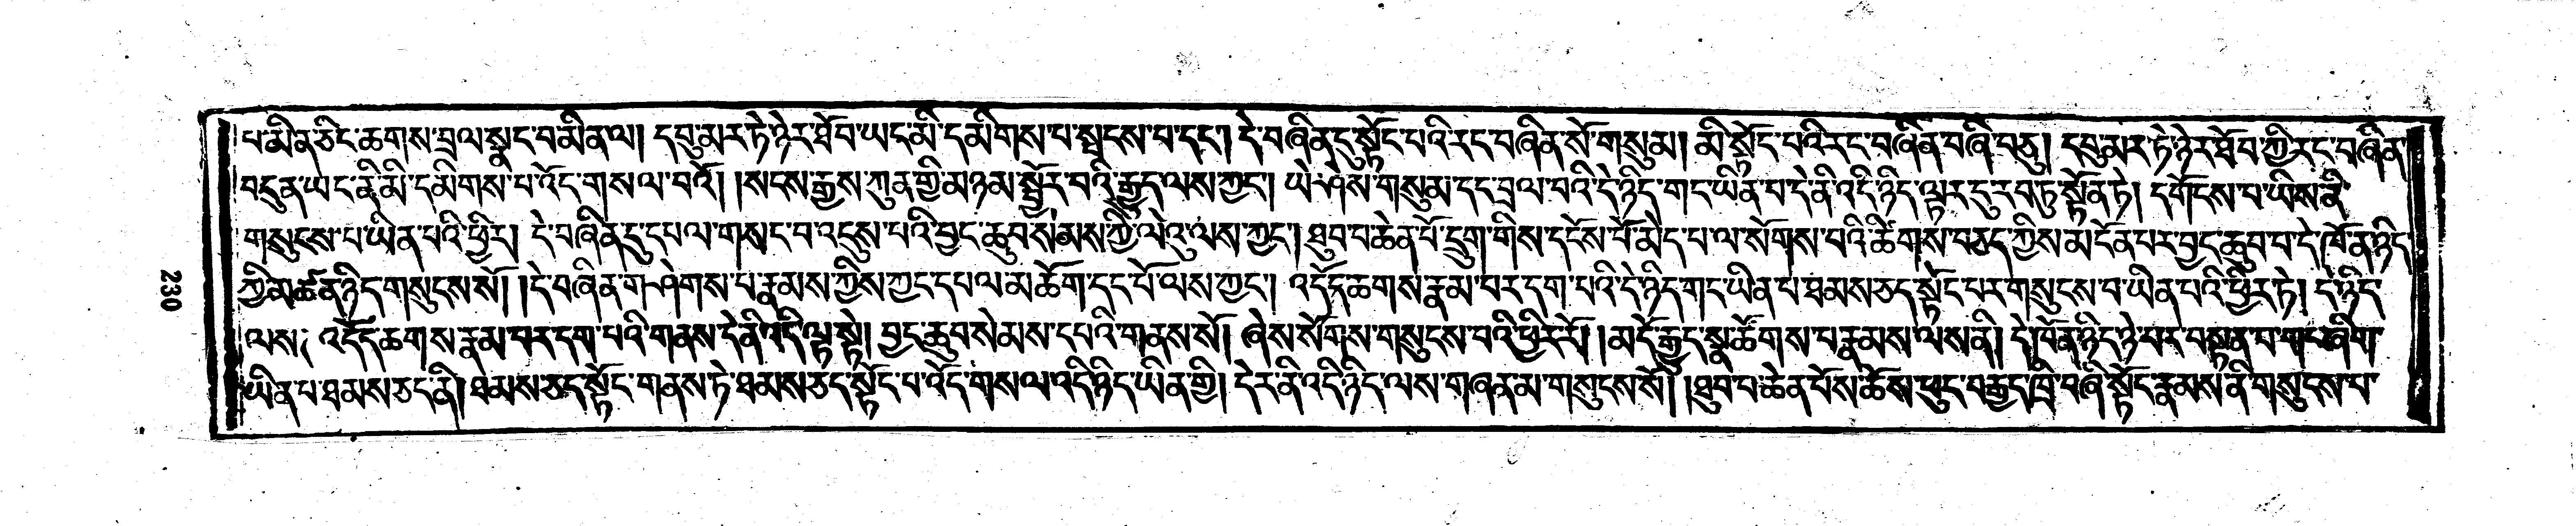པ་མིན་ཅིང་ཆགས་བྲལ་སྣང་བ་མིན་ལ། དབུ་མར་ཏེ་ཉེར་ཐོབ་ཡང་མི་དམིགས་པ་སྤངས་པ་དང་། དེ་བཞིན་དུ་སྟོང་པའི་རང་བཞིན་སོ་གསུམ། མི་སྟོང་པའི་རང་བཞིན་བཞི་བཅུ། དབུ་མར་ཏེ་ཉེར་ཐོབ་ཀྱི་རང་བཞིན་
བདུན་ཡང་ནི་མི་དམིགས་པ་འོད་གསལ་བའོ། །སངས་རྒྱས་ཀུན་གྱི་མཉམ་སྦྱོར་བའི་རྒྱུད་ལས་ཀྱང་། ཡེ་ཤེས་གསུམ་དང་བྲལ་བའི་དེ་ཉིད་གང་ཡིན་པ་དེ་ནི་འདི་ཉིད་ལྟར་དུ་རབ་ཏུ་སྟོན་ཏེ། དགོངས་པ་ཡིས་ནི་
གསུངས་པ་ཡིན་པའི་ཕྱིར། དེ་བཞིན་དུ་དཔལ་གསང་བ་འདུས་པའི་བྱང་ཆུབ་སེམས་ཀྱི་ལེའུ་ལས་ཀྱང་། ཐུབ་པ་ཆེན་པོ་དྲུག་གིས་དངོས་པོ་མེད་པ་ལ་སོགས་པའི་ཚིགས་བཅད་ཀྱིས་མངོན་པར་བྱང་ཆུབ་པ་དེ་ཁོ་ན་ཉིད་
ཀྱི་མཚན་ཉིད་གསུངས་སོ། །དེ་བཞིན་གཤེགས་པ་རྣམས་ཀྱིས་ཀྱང་དཔལ་མཆོག་དང་པོ་ལས་ཀྱང་། འདོད་ཆགས་རྣམ་པར་དག་པའི་དེ་ཉིད་གང་ཡིན་པ་ཐམས་ཅད་སྟོང་པར་གསུངས་པ་ཡིན་པའི་ཕྱིར་ཏེ། དེ་ཉིད་
ལས༑ འདོད་ཆགས་རྣམ་དང་དག་པའི་གནས་དེ་ནི་འདི་ལྟ་སྟེ། བྱང་ཆུབ་སེམས་དཔའི་གནས་སོ། །ཞེས་སོགས་གསུངས་པའི་ཕྱིར་རོ། །མདོ་རྒྱུད་སྣ་ཚོགས་པ་རྣམས་ལས་ནི། དེ་ཁོ་ན་ཉིད་ཉེ་བར་བསྟན་པ་གང་ཞིག་
ཡིན་པ་ཐམས་ཅད་ནི། ཐམས་ཅད་སྟོང་གནས་ཏེ་ཐམས་ཅད་སྟོང་པ་འོད་གསལ་འདི་ཉིད་ཡིན་གྱི། དེར་ནི་འདི་ཉིད་ལས་གཞན་མ་གསུངས་སོ། །ཐུབ་པ་ཆེན་པོས་ཆོས་ཕུང་བརྒྱད་ཁྲི་བཞི་སྟོང་རྣམས་ནི་གསུངས་པ་